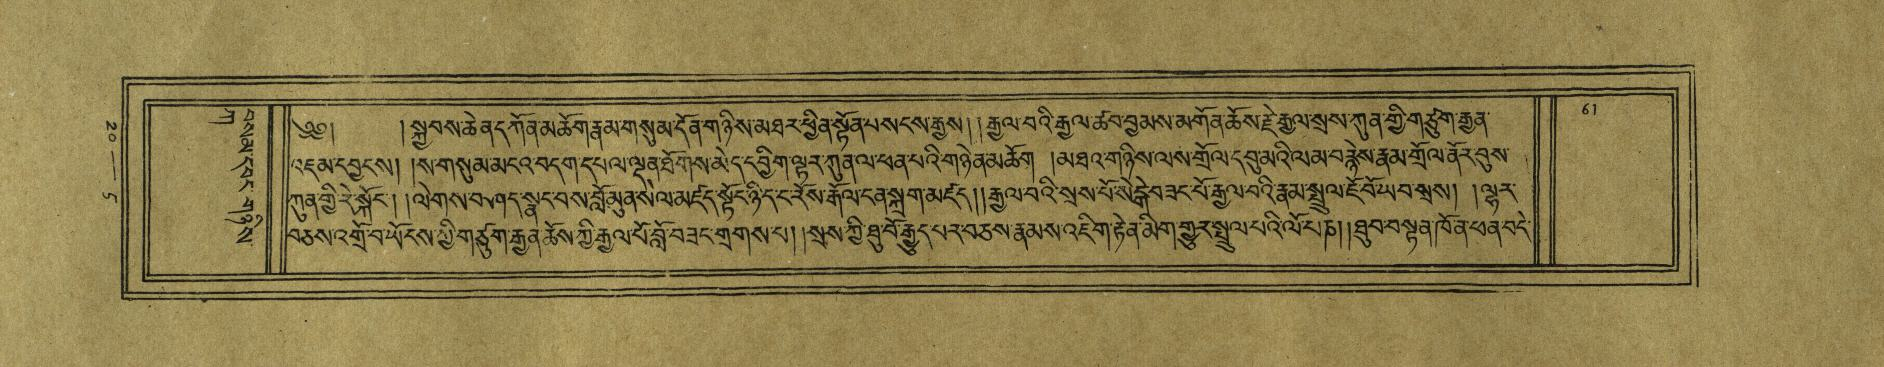༄༅། །སྐྱབས་ཆེན་དཀོན་མཆོག་རྣམ་གསུམ་དོན་གཉིས་མཐར་ཕྱིན་སྟོན་པ་སངས་རྒྱས། །རྒྱལ་བའི་རྒྱལ་ཚབ་བྱམས་མགོན་ཆོས་རྗེ་རྒྱལ་སྲས་ཀུན་གྱི་གཙུག་རྒྱན་
འཇམ་དབྱངས། །ས་གསུམ་མངའ་བདག་དཔལ་ལྡན་ཐོགས་མེད་དབྱིག་ལྟར་ཀུན་ལ་ཕན་པའི་གཉེན་མཆོག །མཐའ་གཉིས་ལས་གྲོལ་དབུ་མའི་ལམ་བརྙེས་རྣམ་གྲོལ་ནོར་བུས་
ཀུན་གྱི་རེ་སྐོང་། །ལེགས་བཤད་སྣང་བས་བློ་མུན་སེལ་མཛད་སྟོང་ཉིད་ང་རོས་རྒོལ་ངན་སྐྲག་མཛད། །རྒྱལ་བའི་སྲས་པོ་སེངྒེ་བཟང་པོ་རྒྱལ་བའི་རྣམ་སྤྲུལ་ཇོ་བོ་ཡབ་སྲས། །ལྷར་
བཅས་འགྲོ་བ་ཡོངས་ཀྱི་གཙུག་རྒྱན་ཆོས་ཀྱི་རྒྱལ་པོ་བློ་བཟང་གྲགས་པ། །སྲས་ཀྱི་ཐུ་བོ་རྒྱུད་པར་བཅས་རྣམས་འཇིག་རྟེན་མིག་གྱུར་སྤྲུལ་པའི་ལོ་པཎ། །ཐུབ་བསྟན་ཁོ་ན་ཕན་བདེ་